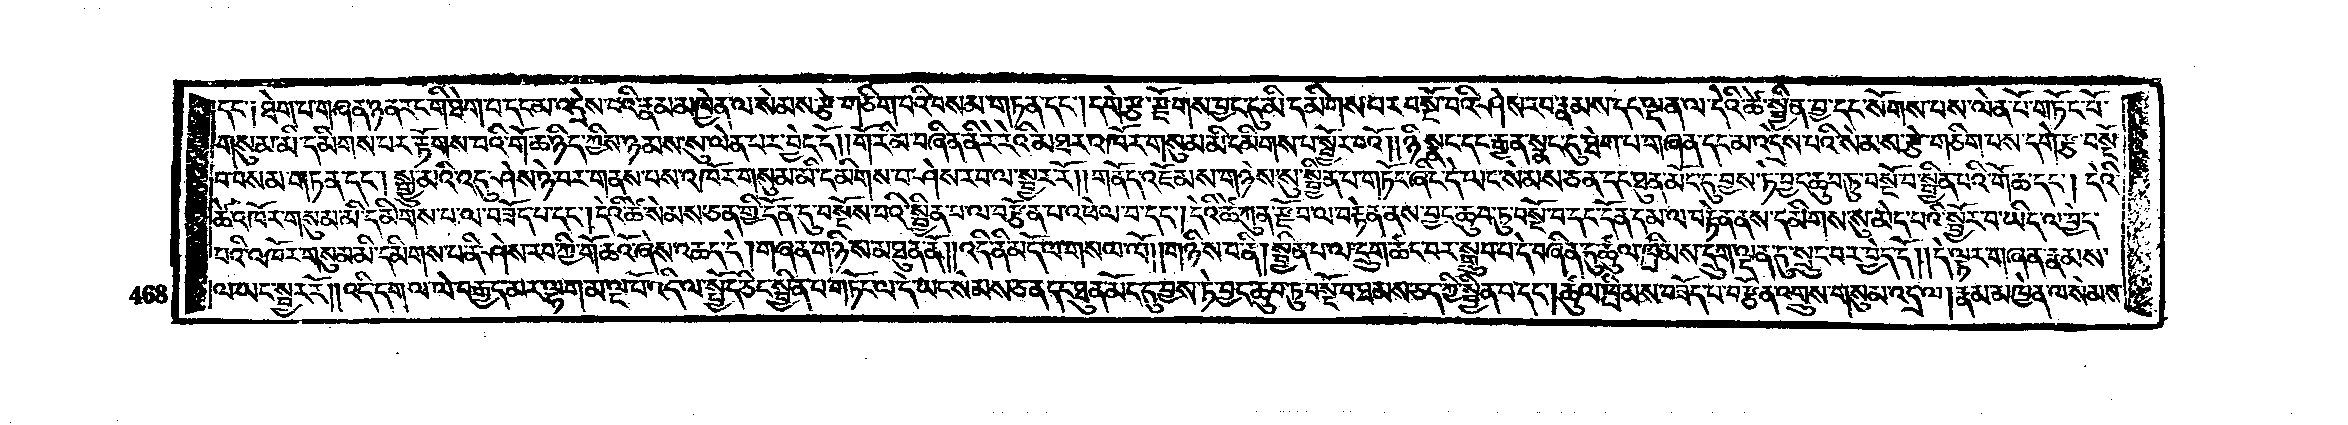དང་། ཐེག་པ་གཞན་ཉན་རང་གི་ཐེག་པ་དང་མ་འདྲེས་པའི་རྣམ་མཁྱེན་ལ་སེམས་རྩེ་གཅིག་པའི་བསམ་གཏན་དང་། དགེ་རྩ་རྫོགས་བྱང་དུ་མི་དམིགས་པར་བསྔོ་བའི་ཤེས་རབ་རྣམས་དང་ལྡན་ལ་དེའི་ཚེ་སྦྱིན་བྱ་དང་སོགས་པས་ལེན་པོ་གཏོང་པོ་
གསུམ་མི་དམིགས་པར་རྟོགས་པའི་གོ་ཆ་ཉིད་ཀྱིས་ཉམས་སུ་ལེན་པར་བྱེད་དོ། །གོ་རིམ་བཞིན་ནི་རེ་རེའི་མཐར་འཁོར་གསུམ་མི་དམིགས་པ་སྦྱོར་བའོ། །ཉི་སྣང་དང་རྒྱན་སྣང་དུ་ཐེག་པ་གཞན་དང་མ་འདྲེས་པའི་སེམས་རྩེ་གཅིག་པས་དགེ་རྩ་བསྔོ་
བ་བསམ་གཏན་དང་། སྒྱུ་མའི་འདུ་ཤེས་ཉེ་བར་གནས་པས་འཁོར་གསུམ་མི་དམིགས་པ་ཤེས་རབ་ལ་སྦྱར་རོ། །གནོད་འཇོམས་གཉིས་སུ་སྦྱིན་པ་གཏོང་ཞིང་དེ་ཡང་སེམས་ཅན་དང་ཐུན་མོང་དུ་བྱས་ཏེ་བྱང་ཆུབ་ཏུ་བསྔོ་བ་སྦྱིན་པའི་གོ་ཆ་དང་། དེའི་
ཚེ་འཁོར་གསུམ་མི་དམིགས་པ་ལ་བཟོད་པ་དང་། དེའི་ཚེ་སེམས་ཅན་གྱི་དོན་དུ་བསྔོས་པའི་སྦྱིན་པ་ལ་བརྩོན་པ་འཕེལ་བ་དང་། དེའི་ཚེ་ཀུན་རྫོབ་ལ་བརྟེན་ནས་བྱང་ཆུབ་ཏུ་བསྔོ་བ་དང་དོན་དམ་ལ་བརྟེན་ནས་དམིགས་སུ་མེད་པའི་སྦྱོར་བ་ཡིད་ལ་བྱེད་
པའི་འཁོར་གསུམ་མི་དམིགས་པ་ནི་ཤེས་རབ་ཀྱི་གོ་ཆའོ་ཞེས་འཆད་དེ། གཞན་གཉིས་མཐུན་ནོ། །འདི་ནི་མདོ་ལ་གསལ་ལོ། །གཉིས་པ་ནི། སྦྱིན་པ་ལ་དྲུག་ཚང་བར་སྒྲུབ་པ་དེ་བཞིན་དུ་ཚུལ་ཁྲིམས་དྲུག་ལྡན་དུ་སྲུང་བར་བྱེད་དོ། །དེ་ལྟར་གཞན་རྣམས་
ལ་ཡང་སྦྱར་རོ། །འདི་དག་ལ་ལེ་བརྒྱད་མར་ལྷག་མ་ལྔ་པོ་འདི་ལ་སྤྱོད་ཅིང་སྦྱིན་པ་གཏོང་ལ་དེ་ཡང་སེམས་ཅན་དང་ཐུན་མོང་དུ་བྱས་ཏེ་བྱང་ཆུབ་ཏུ་བསྔོ་བ་ཐམས་ཅད་ཀྱི་སྦྱིན་པ་དང་། ཚུལ་ཁྲིམས་བཟོད་པ་བརྩོན་འགྲུས་གསུམ་འདྲ་ལ། རྣམ་མཁྱེན་ལ་སེམས་